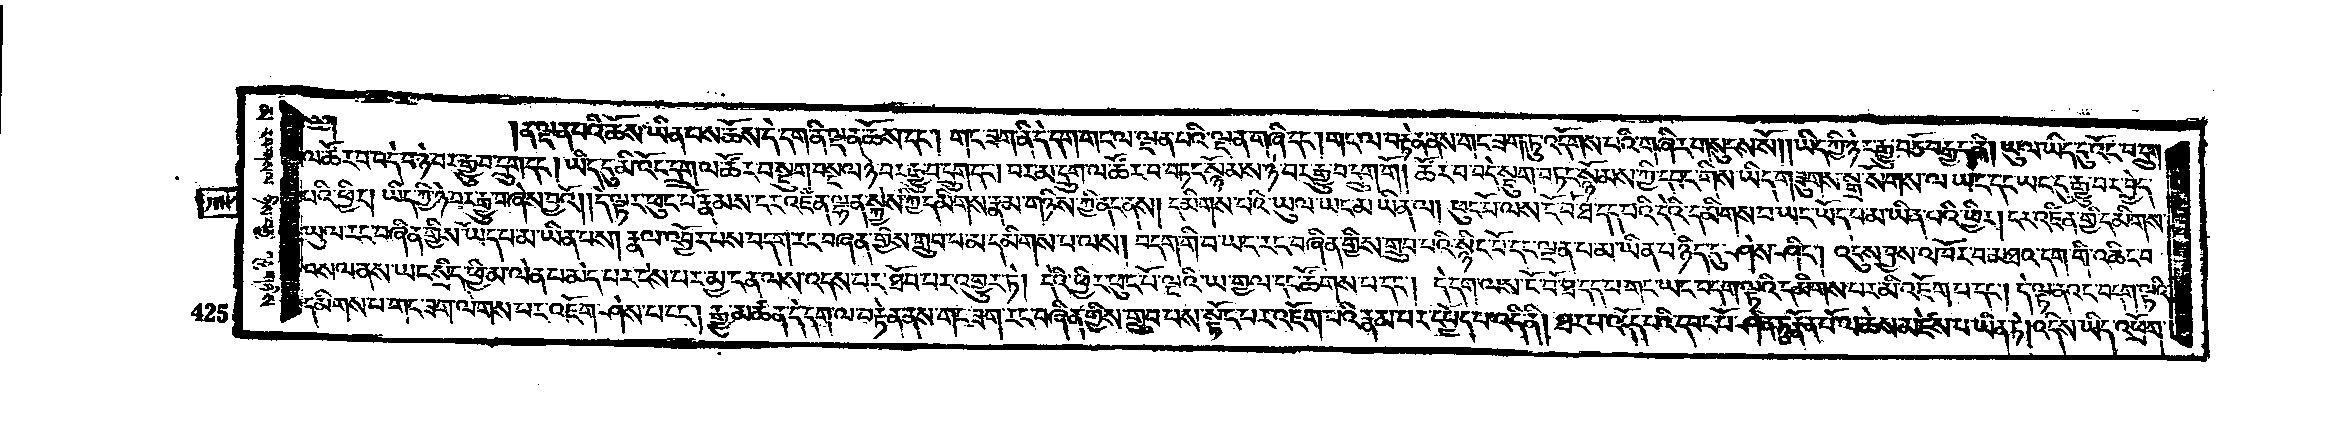༄༅། །ནི་ལྡན་པའི་ཆོས་ཡིན་པས་ཆོས་དེ་དག་ནི་ལྡན་ཆོས་དང་། གང་ཟག་ནི་དེ་དག་གང་ལ་ལྡན་པའི་ལྡན་གཞི་དང་། གང་ལ་བརྟེན་ནས་གང་ཟག་ཏུ་འདོགས་པའི་གཞིར་གསུངས་སོ། །ཡིད་ཀྱི་ཉེར་རྒྱུ་བཅོ་བརྒྱད་ནི། ཡུལ་ཡིད་དུ་འོང་བ་དྲུག་
ལ་ཚོར་བ་བདེ་བ་ཉེ་བར་རྒྱུ་བ་དྲུག་དང་། ཡིད་དུ་མི་འོང་དྲུག་ལ་ཚོར་བ་སྡུག་བསྔལ་ཉེ་བར་རྒྱུ་བ་དྲུག་དང་། བར་མ་དྲུག་ལ་ཚོར་བ་བཏང་སྙོམས་ཉེ་བར་རྒྱུ་བ་དྲུག་གོ །ཚོར་བ་བདེ་སྡུག་བཏང་སྙོམས་ཀྱི་དབང་གིས་ཡིད་གཟུགས་སྒྲ་སོགས་ལ་ཡང་དང་ཡང་དུ་རྒྱུ་བར་བྱེད་
པའི་ཕྱིར། ཡིད་ཀྱི་ཉེ་བར་རྒྱུ་བ་ཞེས་བྱའོ། །དེ་ལྟར་ཕུང་པོ་རྣམས་ངར་འཛིན་ལྷན་སྐྱེས་ཀྱི་དམིགས་རྣམ་གཉིས་ཀྱི་ནང་ནས། དམིགས་པའི་ཡུལ་ཡང་མ་ཡིན་ལ། ཕུང་པོ་ལས་ངོ་བོ་ཐ་དད་པའི་དེའི་དམིགས་པ་ཡང་ཡོད་པ་མ་ཡིན་པའི་ཕྱིར། ངར་འཛིན་གྱི་དམིགས་
ཡུལ་རང་བཞིན་གྱིས་ཡོད་པ་མ་ཡིན་པས། རྣལ་འབྱོར་པས་བདག་རང་བཞིན་གྱིས་གྲུབ་པ་མ་དམིགས་པ་ལས། བདག་གི་བ་ཡང་རང་བཞིན་གྱིས་གྲུབ་པའི་སྙིང་པོ་དང་ལྡན་པ་མ་ཡིན་པ་ཉིད་དུ་ཤེས་ཤིང་། འདུས་བྱས་འཁོར་བ་མཐའ་དག་གི་འཆིང་བ་
བསལ་ནས་ཡང་སྲིད་ཕྱི་མ་ལེན་པ་མེད་པར་ངེས་པར་མྱ་ངན་ལས་འདས་པར་ཐོབ་པར་འགྱུར་ཏེ། དེའི་ཕྱིར་ཕུང་པོ་ལྔའི་ཡ་གྱལ་དང་ཚོགས་པ་དང་། དེ་དག་ལས་ངོ་བོ་ཐ་དད་པ་གང་ཡང་བདག་ལྟའི་དམིགས་པར་མི་འཇོག་པ་དང་། དེ་ལྟ་ནའང་བདག་ལྟའི་
དམིགས་པ་གང་ཟག་ལེགས་པར་འཇོག་ཤེས་པ་དང་། རྒྱུ་མཚན་དེ་དག་ལ་བརྟེན་ནས་གང་ཟག་རང་བཞིན་གྱིས་གྲུབ་པས་སྟོང་པར་འཇོག་པའི་རྣམ་པར་དཔྱོད་པ་འདི་ནི། ཐར་པ་འདོད་པའི་དབང་པོ་ཤིན་ཏུ་རྣོན་པོ་ལ་ཆེས་མཛེས་པ་ཡིན་ཏེ། འདིས་ཡིད་འཕྲོག་